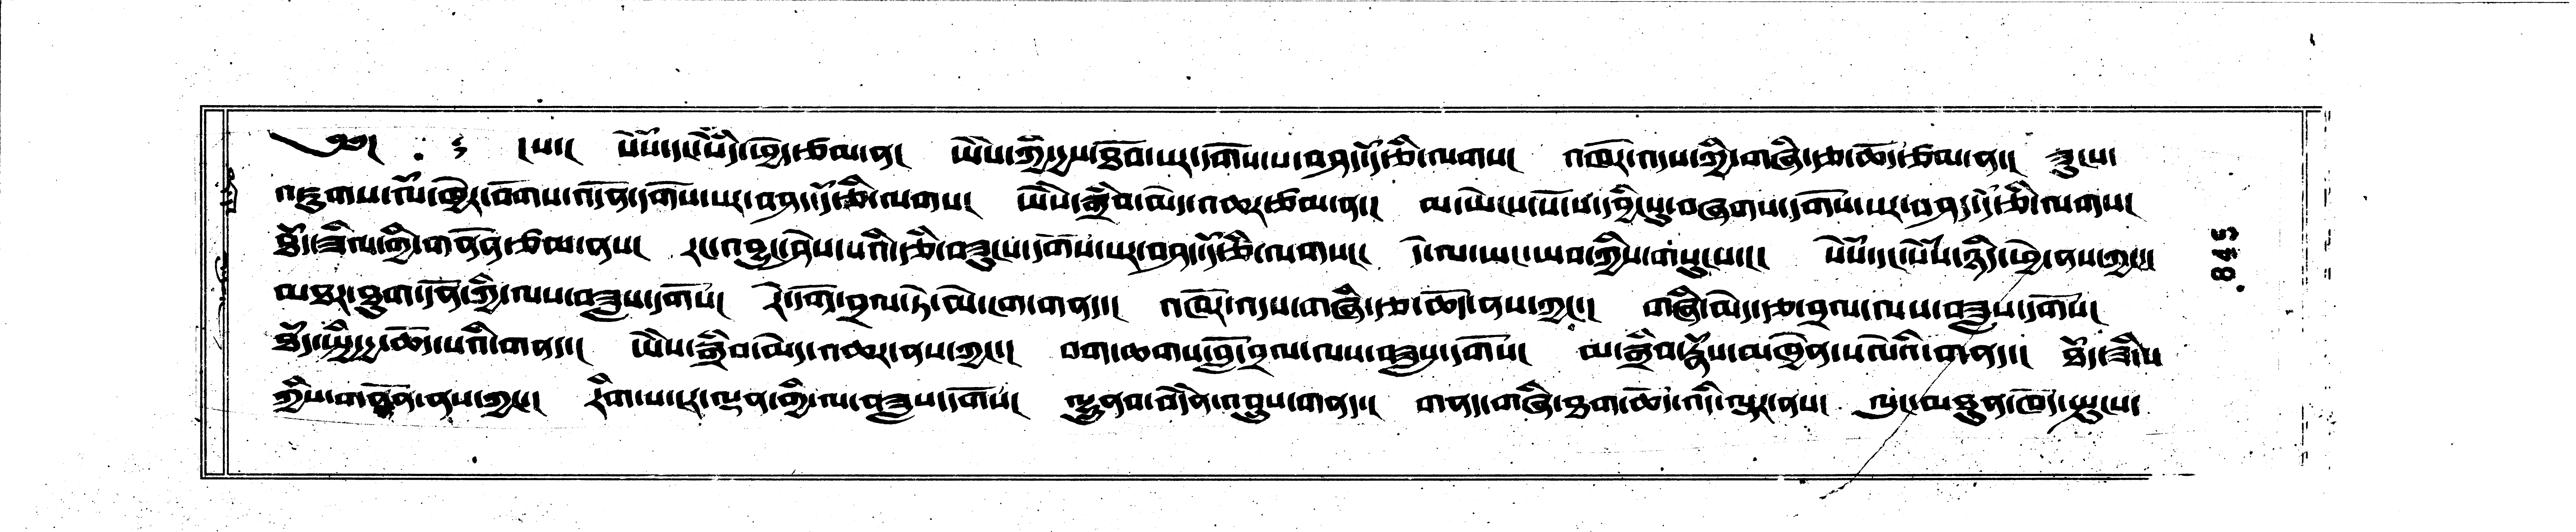པ། སེམས་དང་སེམས་ཉིད་ཕྱེད་ཙམ་ན། ཡེ་ཤེས་ཀྱི་རྒྱས་ཐོབ་པར་དགོས་པ་བཤད་དམ་ཅི་ལགས། འཁོར་འདས་ཀྱི་གཞི་རྩ་ཆོད་ཙམ་ན། ཟུང་
འཇུག་ལམ་ཁྱེར་བོགས་འདོན་དགོས་པར་བཤད་དམ་ཅི་ལགས། ཡེ་ཤེས་སྒྲིབ་མེད་འཆར་ཙམ་ན། མ་ཡེངས་སོ་པ་དབྱིངས་སུ་བཞག་དགོས་པར་བཤད་དམ་ཅི་ལགས། 
ཐམས་ཅད་ཟིལ་གྱིས་གནོན་ཙམ་ནས། རང་འབྱུང་ཤེས་པའི་རྩི་བཟུང་དགོས་པར་བཤད་དམ་ཅི་ལགས། དེ་ལ་ཡང་ཡབ་ཀྱིས་གསུངས། སེམས་དང་སེམས་ཉིད་ཕྱེད་ནས་ཀྱང་། 
།མཐར་ཐུག་དོན་གྱི་ལས་༼ལ༽བཟླ་དགོས། །རེ་དོགས་བྲལ་ཏེ་མན་ངག་གནད། །འཁོར་འདས་གཞི་རྩ་ཆོད་ནས་ཀྱང་། །གཞི་མེད་རྩ་བྲལ་ལས་བཟླས་དགོས། 
།ཐམས་ཅད་སྤྱི་རྒྱ་ཆོད་པའི་གནད། །ཡེ་ཤེས་སྒྲིབ་མེད་འཆར་ནས་ཀྱང་། །བག་ཆགས་བློ་བྲལ་ལས་༼ལ༽བཟླས་དགོས། །མ་བསྒྲིབས་རྣམ་མཁྱེན་སལེའི་གནད། །ཐམས་ཅད་ཟིན་
གྱིས་གནོན་ནས་ཀྱང་། །རིག་པ་ངར་ལྡན་གྱི་ལ་བཟླས་དགོས། །ལྷུན་གྲུབ་བདེ་ཆེན་འབྲས་བུ་གནད། །གནད་གཞི་ཐག་ཆོད་འདི་ལྟར་ནས། །ལུང་མཐུན་ཁོད་སྤུངས་